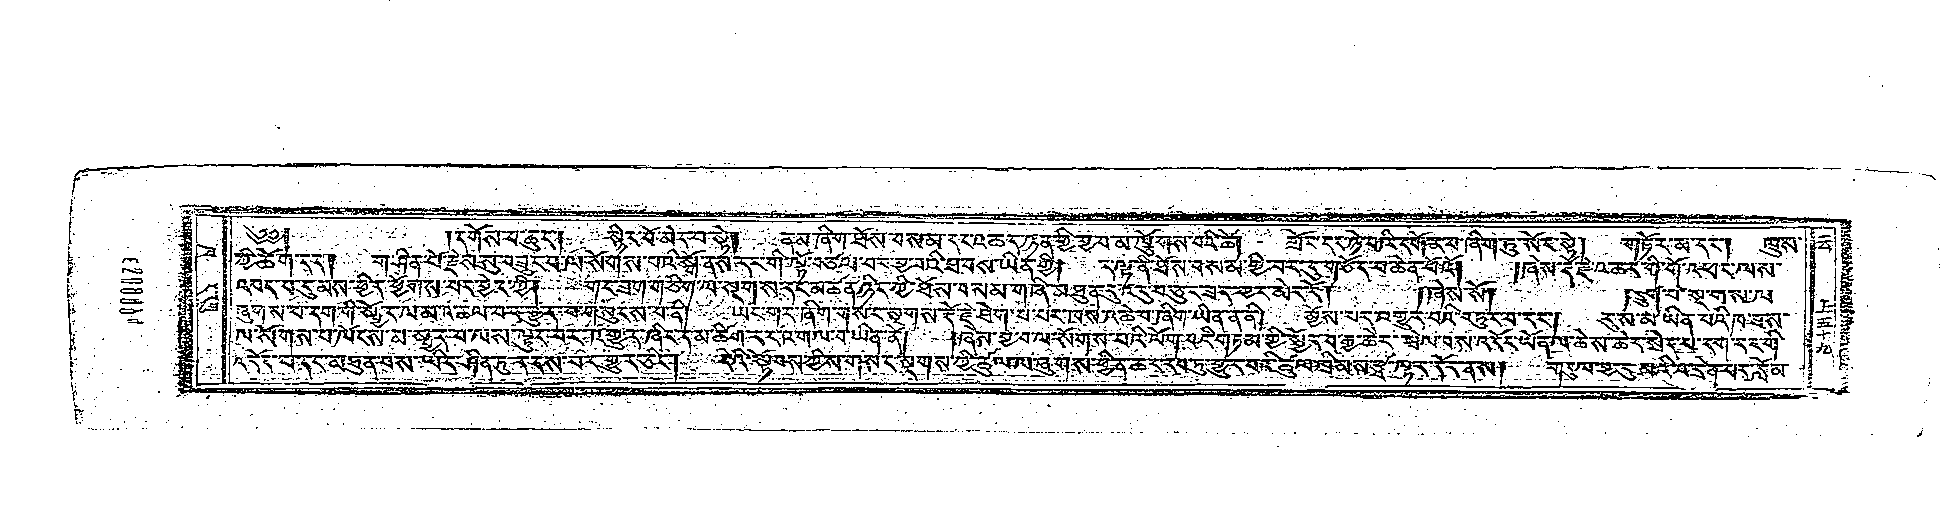༄༅། །དགོས་པ་ཆུང་། སྙིང་པོ་མེད་བ་སྟེ། ནམ་ཞིག་ཐོས་བསམ་དང་འཆད་ཉན་གྱི་བྱ་བ་མ་ལྕོགས་བའི་ཚེ། གྲོང་དང་ཉེ་བའི་དགོན་པ་ཞིག་ཏུ་སོང་སྟེ། གཏོར་མ་དང་། ཁྲུས་
ཀྱི་ཆོ་ག་དང་། གཤིན་པོ་རྗེས་སུ་བཟུང་བ་ལ་སོགས་པའི་སྒོ་ནས་རང་གི་ལྟོ་བཙལ་བར་བྱ་བའི་ཐབས་ཡིན་གྱི། ད་ལྟ་ནི་ཐོས་བསམ་གྱི་བར་དུ་གཅོད་པ་ཆེན་པོའོ། །ཞེས་རྡོ་རྗེ་འཆང་གི་གོ་འཕང་ལས་
འབད་པ་དུ་མས་ཕྱིར་ཕྱོགས་པར་བྱེད་ཀྱི། གང་ཟག་གཅིག་ལ་སྔགས་དང་མཚན་ཉིད་ཀྱི་ཐོས་བསམ་གཞི་མཐུན་དུ་འདུ་བ་ཅུང་ཟད་ཀྱང་མེད་དོ། །ཞེས་སོ། །དྲུག་པ་སྔགས་ལ་
ཞུགས་པ་དག་གི་སྤྱོད་ལམ་འཆལ་བར་གྱུར་པ་གསུངས་པ་ནི། ཡང་གང་ཞིག་གསང་སྔགས་རྡོ་རྗེ་ཐེག་པ་པར་ཁས་འཆེ་བ་ཞིག་ཡིན་ན་ནི། མྱོས་པར་འགྱུར་བའི་བཏུང་བ་དང་། དུས་མ་ཡིན་པའི་ཁ་ཟས་
ལ་སོགས་པ་ལོངས་མ་སྤྱད་པ་ལས་ལྷུང་བར་འགྱུར་ཞིང་དམ་ཚིག་རང་འགལ་བ་ཡིན་ནོ། །ཞེས་བྱ་བ་ལ་སོགས་པའི་ལོག་པའི་གཏམ་གྱི་སྦྱོར་བ་རྒྱ་ཆེར་སྦེལ་བས་འདོད་ཡོན་ལ་ཆེས་ཆེར་སྲེད་པ་དག་རང་གི་
འདོད་པ་དང་མཐུན་པས་ཡིད་ཤིན་ཏུ་དངས་པར་གྱུར་ཅིང་། དེའི་སྟོབས་ཀྱིས་གསང་སྔགས་ཀྱི་ཚུལ་ལ་ཞུགས་ཕྱིན་ཆད་རབ་ཏུ་བྱུང་བའི་ཚུལ་ཁྲིམས་རྩྭ་ལྟར་དོར་ནས། གདུལ་བྱ་དུ་མའི་འདྲེན་པར་རློམ་